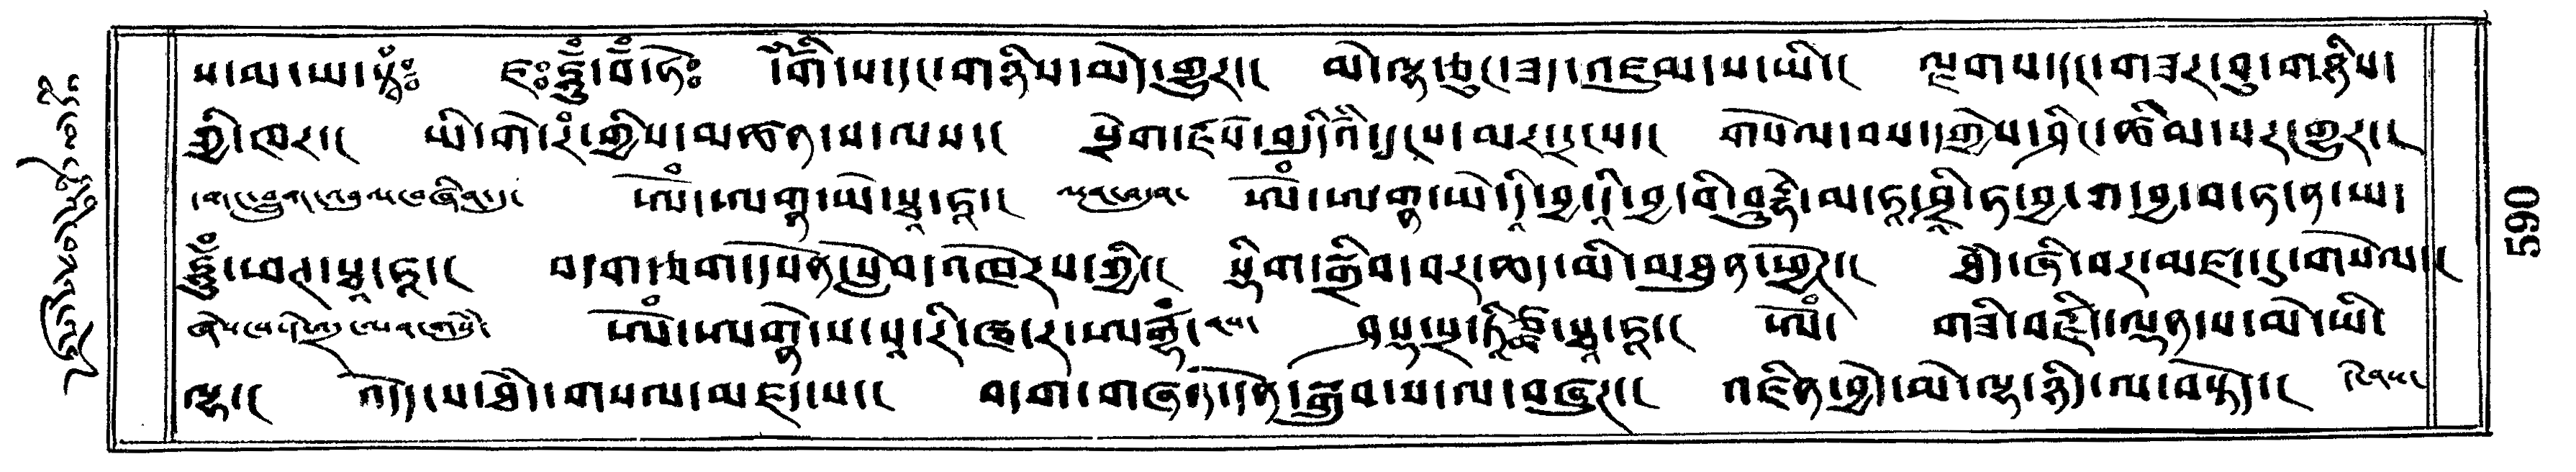ཨ་མ་ཡ་སྟྭཾ༔ ཛཿཧཱུྃ་བྃ་ཧོཿ དམ་ཚིག་པ་དང་གཉིས་མེད་གྱུར། །མེ་ལྷ་ཅུང་ཟད་འཛུམ་པ་ཡི། །ལྗགས་དང་གཟར་བུ་གཉིས་
ཀྱི་ཁར། །ཡི་གེ་རཾ་གྱིས་མཚན་པ་ལས། །སྲེག་རྫས་བདུད་རྩིའི་དྭངས་མར་དྲངས། །གསོལ་བས་དགྱེས་ཤིང་ཚིམ་པར་གྱུར། 
དགང་བླུགས་འབུལ་བཞིན་དུ། ཨོཾ་ཨགྣ་ཡེ་སྭ་ཧཱ། ལན་བདུན། ཨོཾ་ཨགྣ་ཡེ་དཱི་བྱ་དཱི་བྱ་བི་ཤུདྡྷེ་མ་ཧཱ་ཤྲཱི་ཧ་བྱ་ཀ་བྱ་བ་ཧ་ན་ཡ་
ཧཱུྃ་ཕཊ་སྭ་ཧཱ། བདག་ཅག་དཔོན་སློབ་འཁོར་འདས་ཀྱི། །སྡིག་སྒྲིབ་བར་ཆད་མི་མཐུན་ཕྱོགས། །ཐམས་ཅད་ཞི་བར་མཛད་དུ་གསོལ། 
ཞེས་པ་དེ་འདྲ་ལན་གསུམ། ཨོཾ་ཨགྣེ་ས་པཱ་རི་ཝ་ར་ཨརྒྷཾ་ནས། ཤབྡ་པྲ་ཏཱིཙྪ་སྭ་ཧཱ། ཨོཾ། གཟི་བརྗིད་ལྡན་པ་མེ་ཡི་
ལྷ། །འདོད་པ་ཐམས་ཅད་གསལ་མཛད་པ། །བདག་གཞན་དོན་སྒྲུབ་ས་ལ་བཞུགས། །འཛིན་བྱེད་མེ་ལྷ་ཉིད་ལ་བསྟོད། དེ་ནས་